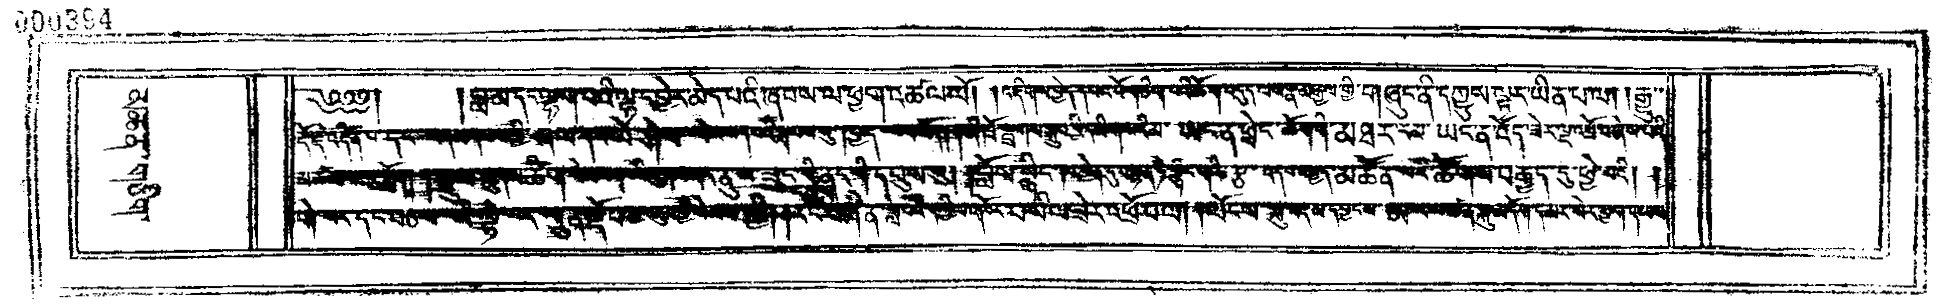༄༅༅། །བླ་མ་དང་ལྷག་པའི་ལྷ་དབྱེར་མེད་པའི་ཞབས་ལ་ཕྱག་འཚལ་ལོ། །འཇིགས་བྱེད་དཔའ་བོ་གཅིག་པའི་ཆོ་ག་བདུད་ལས་རྣམ་རྒྱལ་གྱི་གཞུང་ནི་དཀྱུས་ལྟར་ཡིན་པ་ལ། །རྒྱུ་
རྡོ་རྗེ་འཛིན་པ་དང་འཇམ་དཔལ་གྱི་ཞལ་དང་ཡེ་ཤེས་སེམས་དཔའི་སྐབས་སུ་ཁྱད་པར་ཡོད། །ཞི་ཁྲོ་སྦྲགས་སྒྲུབ་ཀྱི་དམིགས་རིམ་ཡང་ན་ཕྲེང་ཆོག་གི་མཐར་རམ་ཡང་ན་འོད་ཟེར་ལྔ་འཕྲོ་བ་ཞེས་པའི་
མཚམས་སུ་སྤྲོད། །སྤྲུལ་སྐུ་དམ་ཚིག་སེམས་དཔའི་ཐུགས་ཀར་ནུ་མ་ཟུང་གི་དཀྱུས་ནང་གི་དབུས་སུ། །བློས་སྙིང་ཁ་གྱེན་དུ་བསྟན་ཏེ་སྙིང་གའི་རྩ་འདབ་བརྒྱད་མཚོན་པའི་ཚོགས་བརྒྱད་དུ་ཕྱེ་བའི། །
གེ་སར་དང་བཅས་པའི་ལྟེ་བར་ཀུན་རྫོབ་བྱང་ཆུབ་ཀྱི་སེམས་ཀྱི། །རང་བཞིན་ཟླ་བའི་དཀྱིལ་འཁོར་བསིལ་ཟེར་འཕྲོ་བ་ལ། །ལོངས་སྐུ་འཇམ་དབྱངས་ཨ་ར་པ་ཙ་ན་སྐུ་མདོག་དམར་སེར་ཕྱག་གཡས་